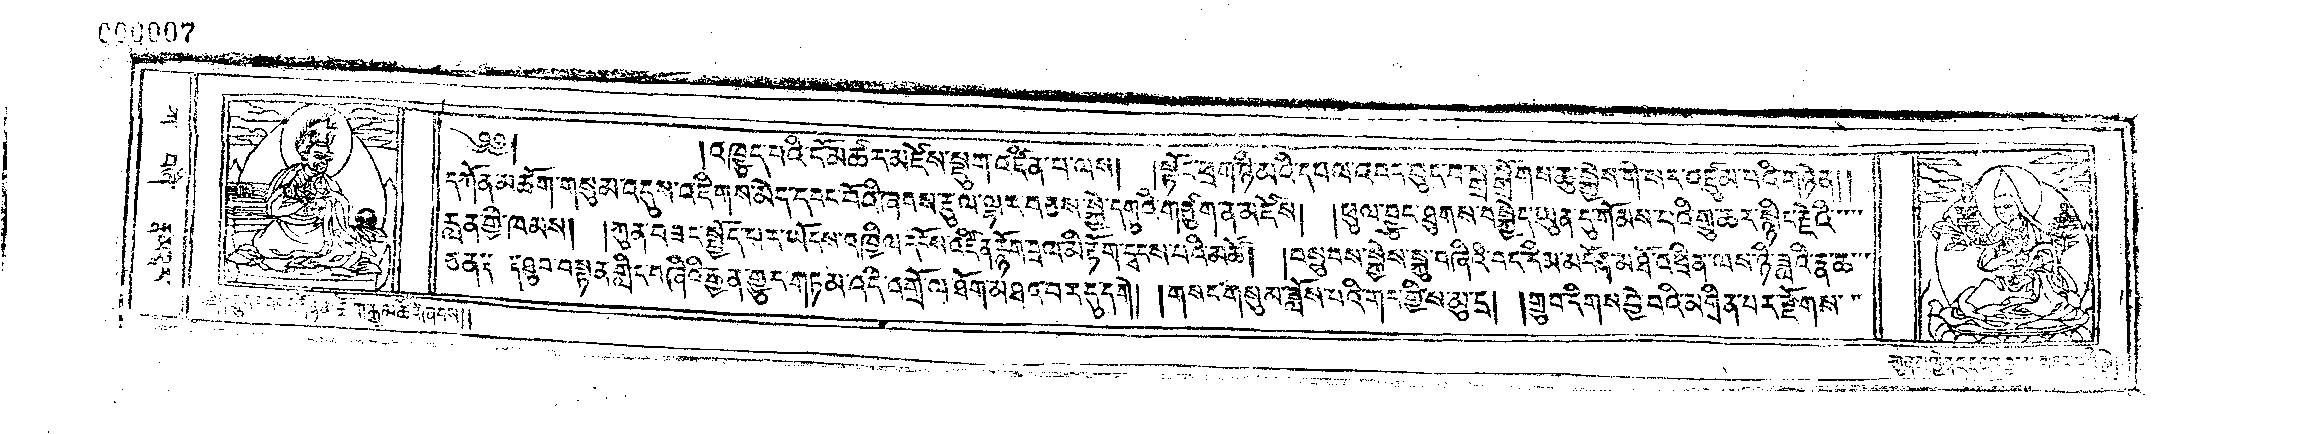༄༅། །འཁྱུད་པའི་ངོ་མཚར་མཛེས་སྡུག་འཛིན་པ་ལས། །སྟོང་ཕྲག་ཉི་མའི་དཔལ་འབར་བུང་བ་སྒྲ་སྒྲོགས་ཆུ་སྐྱེས་གེ་སར་འཛུམ་པའི་གཉེན། །
དཀོན་མཆོག་གསུམ་འདུས་འཇིགས་མེད་དབང་པོའི་ཞབས་རྡུལ་ལྷར་བཅས་སྐྱེ་དགུའི་གཙུག་ན་མཛེས། །ཕུལ་བྱུང་ཐུགས་བསྐྱེད་ཡུན་དུ་གོམས་པའི་གྲུ་ཆར་སྙིང་རྗེའི་
རླན་གྱི་ཁམས། །ཀུན་བཟང་སྤྱོད་པར་ཡོངས་འཁྱིལ་དངོས་འཛིན་རྙོག་བྲལ་མི་རྟོག་དྭངས་པའི་མཚོ། །བསྲུབས་སྐྱེས་སྐུ་བཞིའི་བང་རིམ་མངོན་མཐོ་འཕྲིན་ལས་ཉི་ཟླའི་རྣ་ཆ་
ཅན༑ ༑ཐུབ་བསྟན་གླིང་བཞིའི་རྒྱན་གྱུར་གཏམ་འདི་འགྲོ་ལ་ཐོག་མཐའ་བར་དུ་དགེ། །གསང་གསུམ་ཟློས་པའི་གར་གྱིས་མུ་དྲ། །གྲུབ་རིགས་བྱེ་བའི་མགྲིན་པར་རྫོགས་